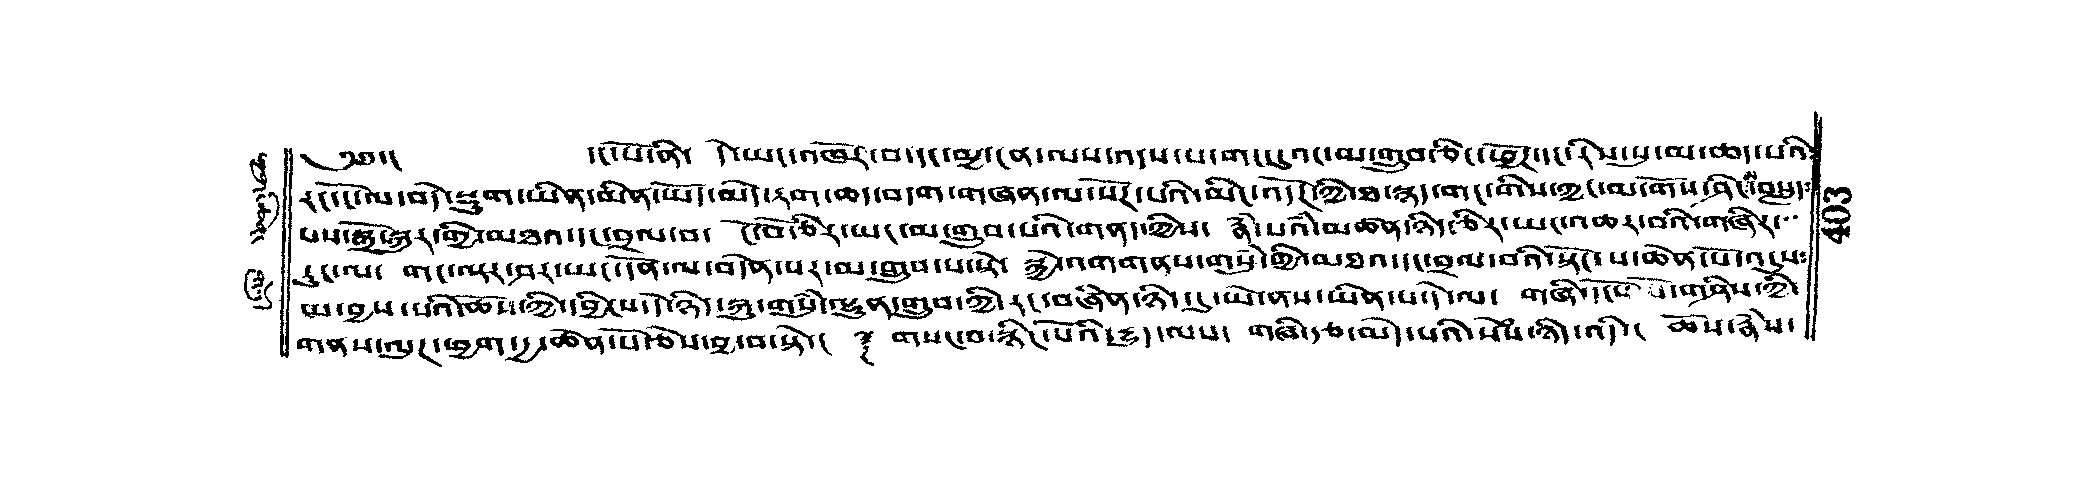དང་པོ་ནི། དེ་ཡང་འཁོར་བ་དང་མྱ་ངན་ལས་འདས་པ་གང་དུའང་མ་གྲུབ་ཅིང་ཕྱོགས་དང་རིས་སུ་མ་ཆད་པའི་
རང་ངོ་ལ་བདེ་སྡུག་ཡིན་མིན་ཡོད་མེད་རྟག་ཆད་བདག་གཞན་ལ་སོགས་པའི་མིང་འདོགས་ཀྱི་ཐ་སྙད་གང་གིས་ཀྱང་མ་གོས་ཤིང་བསླད་
པས་སྒྲོ་སྐུར་གྱི་མཐའ་དང་བྲལ་བ། ངོ་བོ་ཅིར་ཡང་མ་གྲུབ་པའི་གནད་ཀྱིས། རྣམ་པའམ་མཚན་ཉིད་ཅིར་ཡང་འཆར་བའི་གཞིར་
རུང་ལ། གང་ལྟར་ཤར་ཡང་དོན་ལ་བདེན་པར་མ་གྲུབ་པ་སྟེ། སྐྱེ་འགག་གནས་གསུམ་གྱི་མཐའ་དང་བྲལ་བའི་སྟོང་པ་ཆེན་པོ་འདུས་
མ་བྱས་པའི་ཆོས་ཀྱི་དབྱིངས་དེ་ཉིད་སྐུ་གསུམ་ལྷུན་གྲུབ་ཀྱི་རང་བཞིན་ཉིད་དུ་ཡེ་ནས་ཡིན་པ་དེ་ལ། གཞི་དངོས་པོ་གཤིས་ཀྱི་
གནས་ལུགས་ཕྱག་རྒྱ་ཆེན་པོ་ཅཞས་བྱ་བ་སྟེ། ༈ གསང་བ་སྙིང་པོའི་རྒྱུད་ལས། གཞི་རྩ་མེད་པའི་སེམས་ཉིད་འདི། །ཆོས་རྣམས་